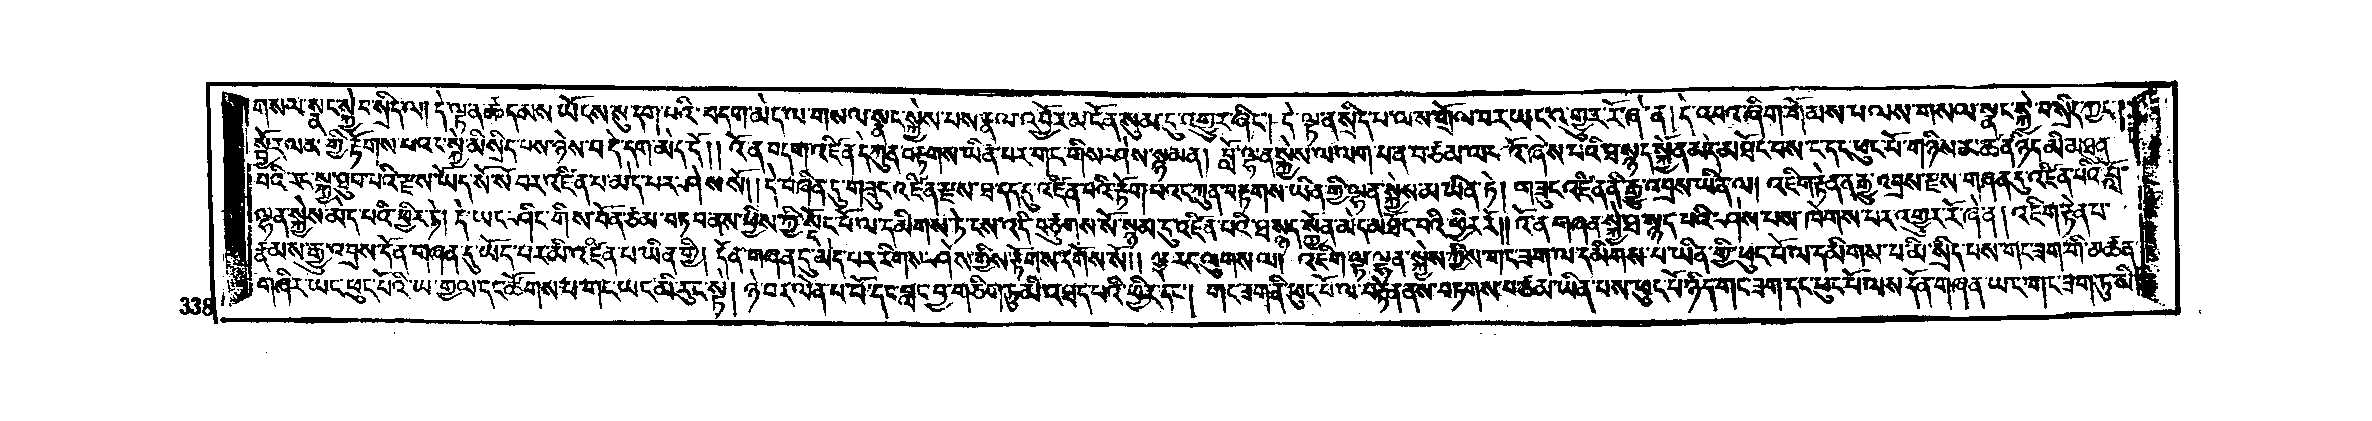གསལ་སྣང་སྐྱེ་བ་སྲིད་ལ། དེ་ལྟ་ན་ཚད་མས་ཡོངས་སུ་དག་པའི་བདག་མེད་ལ་གསལ་སྣང་སྐྱེས་པས་རྣལ་འབྱོར་མངོན་སུམ་དུ་འགྱུར་ཞིང་། དེ་ལྟ་ན་སྲིད་པ་ལས་གྲོལ་བར་ཡང་འགྱུར་རོ་ཞེ་ན། དེ་འབའ་ཞིག་གོམས་པ་ལས་གསལ་སྣང་སྐྱེ་བ་སྲིད་ཀྱང་
སྦྱོར་ལམ་གྱི་རྟོགས་པའང་སྐྱེ་མི་སྲིད་པས་ཉེས་པ་དེ་དག་མེད་དོ། །འོ་ན་བདག་འཛིན་དེ་ཀུན་བརྟགས་ཡིན་པར་གང་གིས་ཤེས་སྙམ་ན། བློ་ལྷན་སྐྱེས་ལ་ལག་པ་ན་བ་ཙམ་ལ་བའོ?་ཞེས་པའི་ཐ་སྙད་སྐྱོན་མེད་མཐོང་བས་ང་དང་ཕུང་པོ་གཉིས་མཚན་ཉིད་མི་མཐུན་
པའི་རང་སྐྱ་ཐུབ་པའི་རྫས་ཡོད་སོ་སོ་བར་འཛིན་པ་མེད་པར་ཤེས་སོ། །དེ་བཞིན་དུ་གཟུང་འཛིན་རྫས་ཐ་དད་དུ་འཛིན་པའི་རྟོག་པའང་ཀུན་བརྟགས་ཡིན་གྱི་ལྷན་སྐྱེས་མ་ཡིན་ཏེ། གཟུང་འཛིན་ནི་རྒྱུ་འབྲས་ཡིན་ལ། འཇིག་རྟེན་ན་རྒྱུ་འབྲས་རྫས་གཞན་དུ་འཛིན་པའི་བློ་
ལྷན་སྐྱེས་མེད་པའི་ཕྱིར་ཏེ། དེ་ཡང་ཤིང་གི་ས་བོན་ཙམ་བཏབ་ནས་ཕྱིས་ཀྱི་སྡོང་པོ་ལ་དམིགས་ཏེ་ངས་འདི་བཙུགས་སོ་སྙམ་དུ་འཛིན་པའི་ཐ་སྙད་སྐྱོན་མེད་མཐོང་བའི་ཕྱིར་རོ། །འོ་ན་གཞན་སྐྱེ་ཐ་སྙད་པའི་ཤེས་པས་ཁེགས་པར་འགྱུར་རོ་ཞེ་ན། འཇིག་རྟེན་པ་
རྣམས་རྒྱུ་འབྲས་དོན་གཞན་དུ་ཡོད་པར་མི་འཛིན་པ་ཡིན་གྱི་།དོན་གཞན་དུ་མེད་པར་རིགས་ཤེས་ཀྱིས་རྟོགས་དགོས་སོ། །༈རང་ལུགས་ལ། འཇིག་ལྟ་ལྷན་སྐྱེས་ཀྱིས་གང་ཟག་ལ་དམིགས་པ་ཡིན་གྱི་ཕུང་པོ་ལ་དམིགས་པ་མི་སྲིད་པས་གང་ཟག་གི་མཚན་
གཞིར་ཡང་ཕུང་པོའི་ཡ་གྱལ་དང་ཚོགས་པ་གང་ཡང་མི་རུང་སྟེ། ཉེ་བར་ལེན་པ་པོ་དང་བླང་བྱ་གཅིག་ཏུ་མི་འཐད་པའི་ཕྱིར་དང་། གང་ཟག་ནི་ཕུང་པོ་ལ་བརྟེན་ནས་བཏགས་པ་ཙམ་ཡིན་པས་ཕུང་པོ་ཉིད་གང་ཟག་དང་ཕུང་པོ་ལས་དོན་གཞན་ཡང་གང་ཟག་ཏུ་མི་